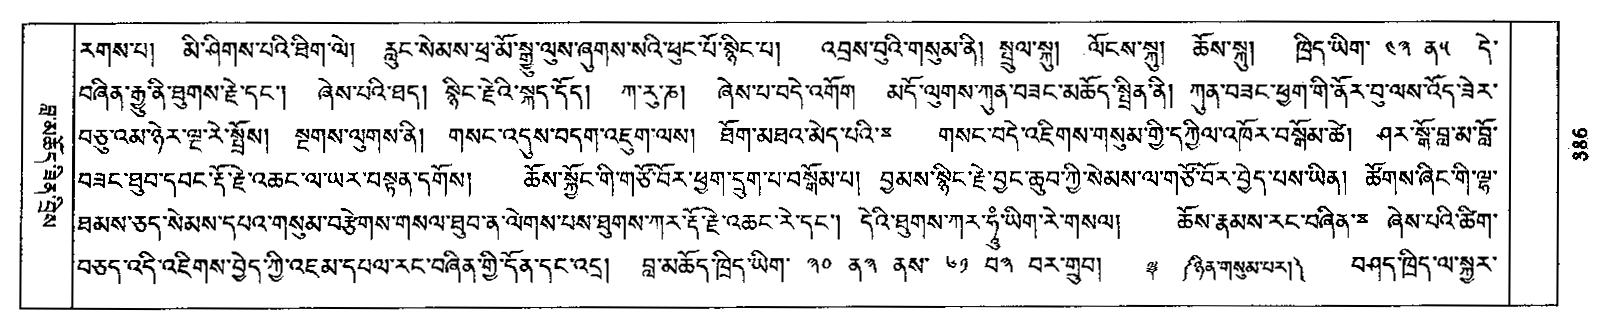རགས་པ། མི་ཤིགས་པའི་ཐིག་ལེ། རླུང་སེམས་ཕྲ་མོ་སྒྱུ་ལུས་ཞུགས་སའི་ཕུང་པོ་སྙིང་པ། འབྲས་བུའི་གསུམ་ནི། སྤྲུལ་སྐུ། ལོངས་སྐུ། ཆོས་སྐུ། ཁྲིད་ཡིག ༤༣་ན ༥་དེ་
བཞིན་རྒྱུ་ནི་ཐུགས་རྗེ་དང་། ཞེས་པའི་ཐད། སྙིང་རྗེའི་སྐད་དོད། ཀ་རུ་ཎ། ཞེས་པ་བདེ་འགོག་མདོ་ལུགས་ཀུན་བཟང་མཆོད་སྤྲིན་ནི། ཀུན་བཟང་ཕྱག་གི་ནོར་བུ་ལས་འོད་ཟེར་
བཅུ་འམ་ཉེར་ལྔ་རེ་སྤྲོས། སྔགས་ལུགས་ནི། གསང་འདུས་བདག་འཇུག་ལས། ཐོག་མཐའ་མེད་པའི་྾་གསང་བདེ་འཇིགས་གསུམ་གྱི་དཀྱིལ་འཁོར་བསྒོམ་ཚེ། ཤར་སྒོ་བླ་མ་བློ་
བཟང་ཐུབ་དབང་རྡོ་རྗེ་འཆང་ལ་ཡར་བསྟན་དགོས། ཆོས་སྐྱོང་གི་གཙོ་བོར་ཕྱག་དྲུག་པ་བསྒོམ་པ། བྱམས་སྙིང་རྗེ་བྱང་ཆུབ་ཀྱི་སེམས་ལ་གཙོ་བོར་བྱེད་པས་ཡིན། ཚོགས་ཞིང་གི་ལྷ་
ཐམས་ཅད་སེམས་དཔའ་གསུམ་བརྩེགས་གསལ་ཐུབ་ན་ལེགས་པས་ཐུགས་ཀར་རྡོ་རྗེ་འཆང་རེ་དང་། དེའི་ཐུགས་ཀར་ཧཱུཾ་ཡིག་རེ་གསལ། ཆོས་རྣམས་རང་བཞིན་྾་ཞེས་པའི་ཚིག་
བཅད་འདི་འཇིགས་བྱེད་ཀྱི་འཇམ་དཔལ་རང་བཞིན་གྱི་དོན་དང་འདྲ། བླ་མཆོད་ཁྲིད་ཡིག ༣༠་ན ༣་ནས ༦༡་བ ༣་བར་གྲུབ། ༈ ཉིན་གསུམ་པར།?་བཤད་ཁྲིད་ལ་སྐྱར་